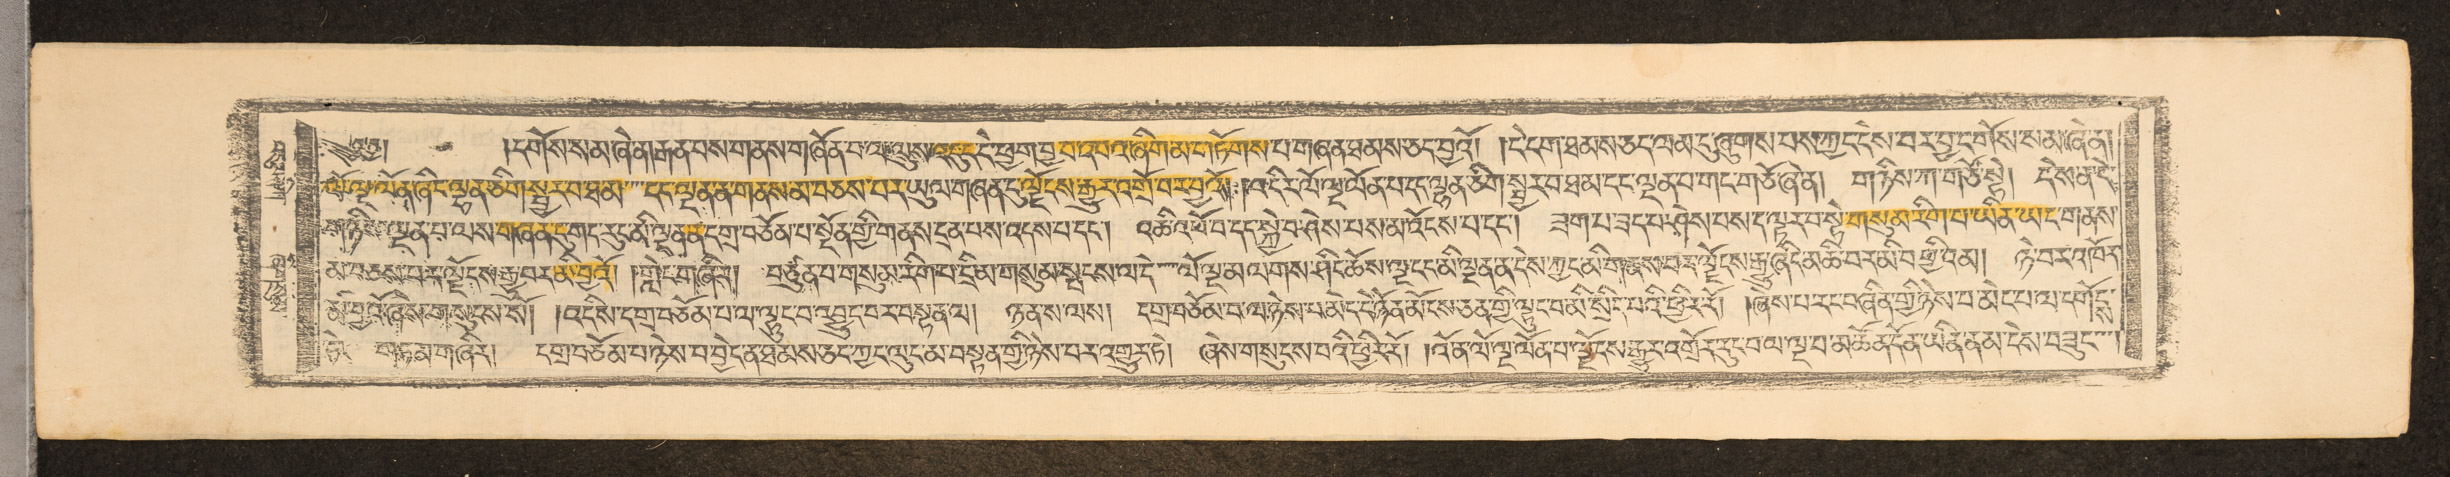༄༅། །དགོས་སམ་ཞེ་ན། རྒན་པས་གནས་གཞོན་པ་ལ་ལུས་འདུད་དེ་ཕྱག་བྱ་བ་འབའ་ཞིག་མ་གཏོགས་པ་གཞན་ཐམས་ཅད་བྱའོ། །དེ་དག་ཐམས་ཅད་ལམ་དུ་ཞུགས་པས་ཀྱང་དེས་པར་བྱ་དགོས་སམ་ཞེ་ན།
ལོ་ལྔ་ལོན་ཞིང་ལྷན་ཅིག་སྦྱར་བ་ཟ་མ་དང་ལྡན་ན་གནས་མ་བཅས་པར་ཡུལ་གཞན་དུ་ལྗོངས་རྒྱུར་འགྲོ་བར་བྱའོ། །འདིར་ལོ་ལྔ་ལོན་པ་དང་ལྷན་ཅིག་སྦྱར་བ་ཐ་མ་དང་ལྡན་པ་གང་གཙོ་ཞེ་ན། གཉིས་ཀ་གཙོ་སྟེ། དེས་ན་དེ་
གཉིས་ལྡན་པ་ལས་གཞན་དུ་གང་རུང་མི་ལྡན་ན་དགྲ་བཅོམ་པ་སྔོན་གྱི་གནས་དྲན་པས་འདས་པ་དང་། འཆི་འྤོ་བ་དང་སྐྱེ་བ་ཤེས་པས་མ་འོངས་པ་དང་། ཟག་པ་ཟད་པ་ཤེས་པས་ད་ལྟར་བ་སྟེ་གསུམ་རིག་པ་ཡིན་ཡང་གནས་
མ་བཅས་པར་ལྗོངས་རྒྱུ་བར་མི་བྱའོ། །གླེང་གཞིར། བཙུན་པ་གསུམ་རིག་པ་དྲི་མ་གསུམ་སྤངས་ལ་དེ་ལོ་ལྔ་མ་ལགས་ཤིང་ཆོས་ལྔ་དང་མི་ལྡན་ན་དེས་ཀྱང་མི་གནས་པར་ལྗོངས་རྒྱུ་ཞིང་མཆི་བར་མི་བགྱི་འམ། ཉེ་བར་འཁོར་
མི་བྱའོ་ཞེས་གསུངས་སོ། །འདིས་དགྲ་བཅོམ་པ་ལ་ལྟུང་བ་འབྱུང་བར་བསྟན་ལ། ཉན་པ་ལས། དགྲ་བཅོམ་པ་ལ་ཉེས་པ་མེད་དེ་ཉོན་མོངས་ཅན་གྱི་ལྟུང་བ་མི་སྲིད་པའི་ཕྱིར་རོ། །ཞེས་པ་རང་བཞིན་གྱི་ཉེས་པ་མེད་པ་ལ་དགོངས་
ཏེ༑ གཏམ་གཞིར། དགྲ་བཅོམ་པ་ཉེས་པ་བྱེད་ན་ཐམས་ཅད་ཀྱང་ལུང་མ་བསྟན་གྱི་ཉེས་པར་འགྱུར་ཏེ། ཞེས་གསུངས་པའི་ཕྱིར་རོ། །འོ་ན་ལོ་ལྔ་ལོན་པ་ལྗོངས་རྒྱུར་འགྲོར་རུང་བ་ལ་ལྡ་པ་མཚོན་དོན་ཡིན་ནམ་ངེས་བཟུང་